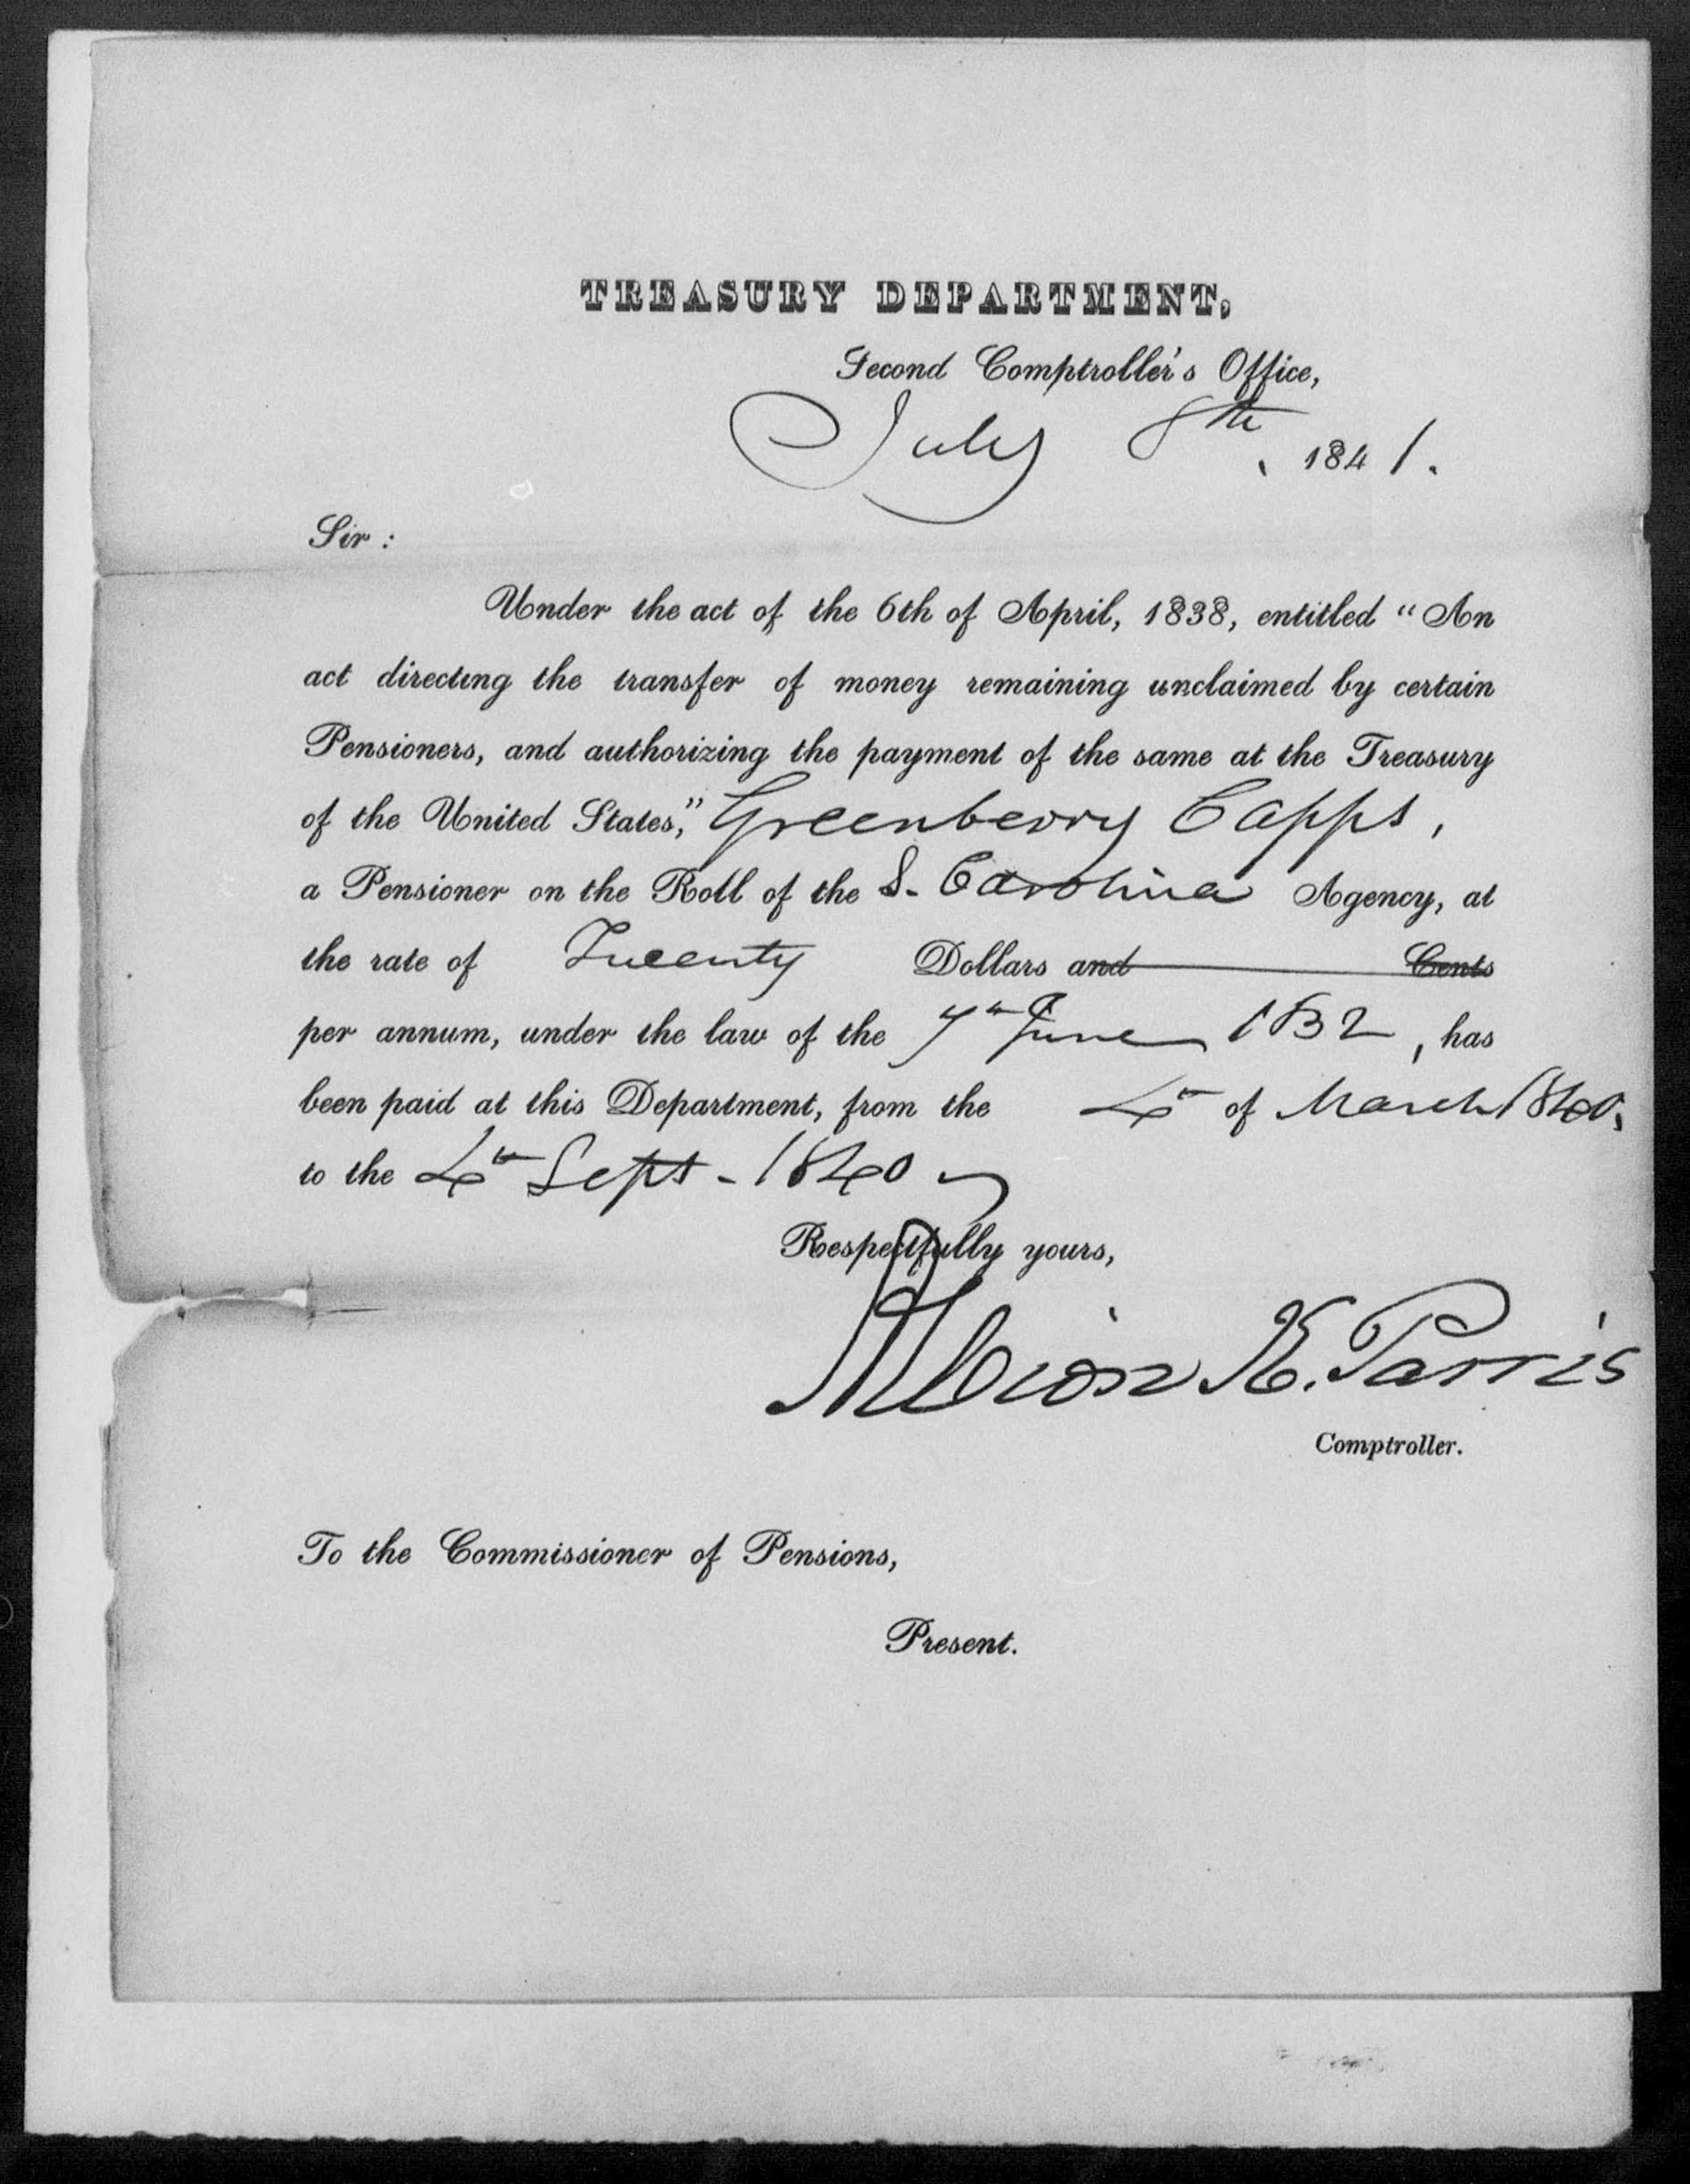TREASURY DEPARTMENT Second Comptroller's Office July 8th 1841.  Sir : Under the act of the 6th of April 1838, " An act directing the transfer of money remaining unclaimed by certain Pensioners , and authorizing the payment of the same at the Treasury of the United States, " Greenberry Capps, a Pensioner on the Roll of the S. Carolina Agency , at the rate of twenty Dollars per annum, under the law of the 7th June 1832, has been paid at this Department , from the 4th of March 1840, to the 4th Sept 1840.  Respectfully yours, Albion K. Parris ( signed ) Comptroller.   To the Commissioner of Pensions Present.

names: Greenberry Capps, Albion K Parris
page: 15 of 26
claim: survivor's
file: S. 21105, Greenbery Caps, S.C.